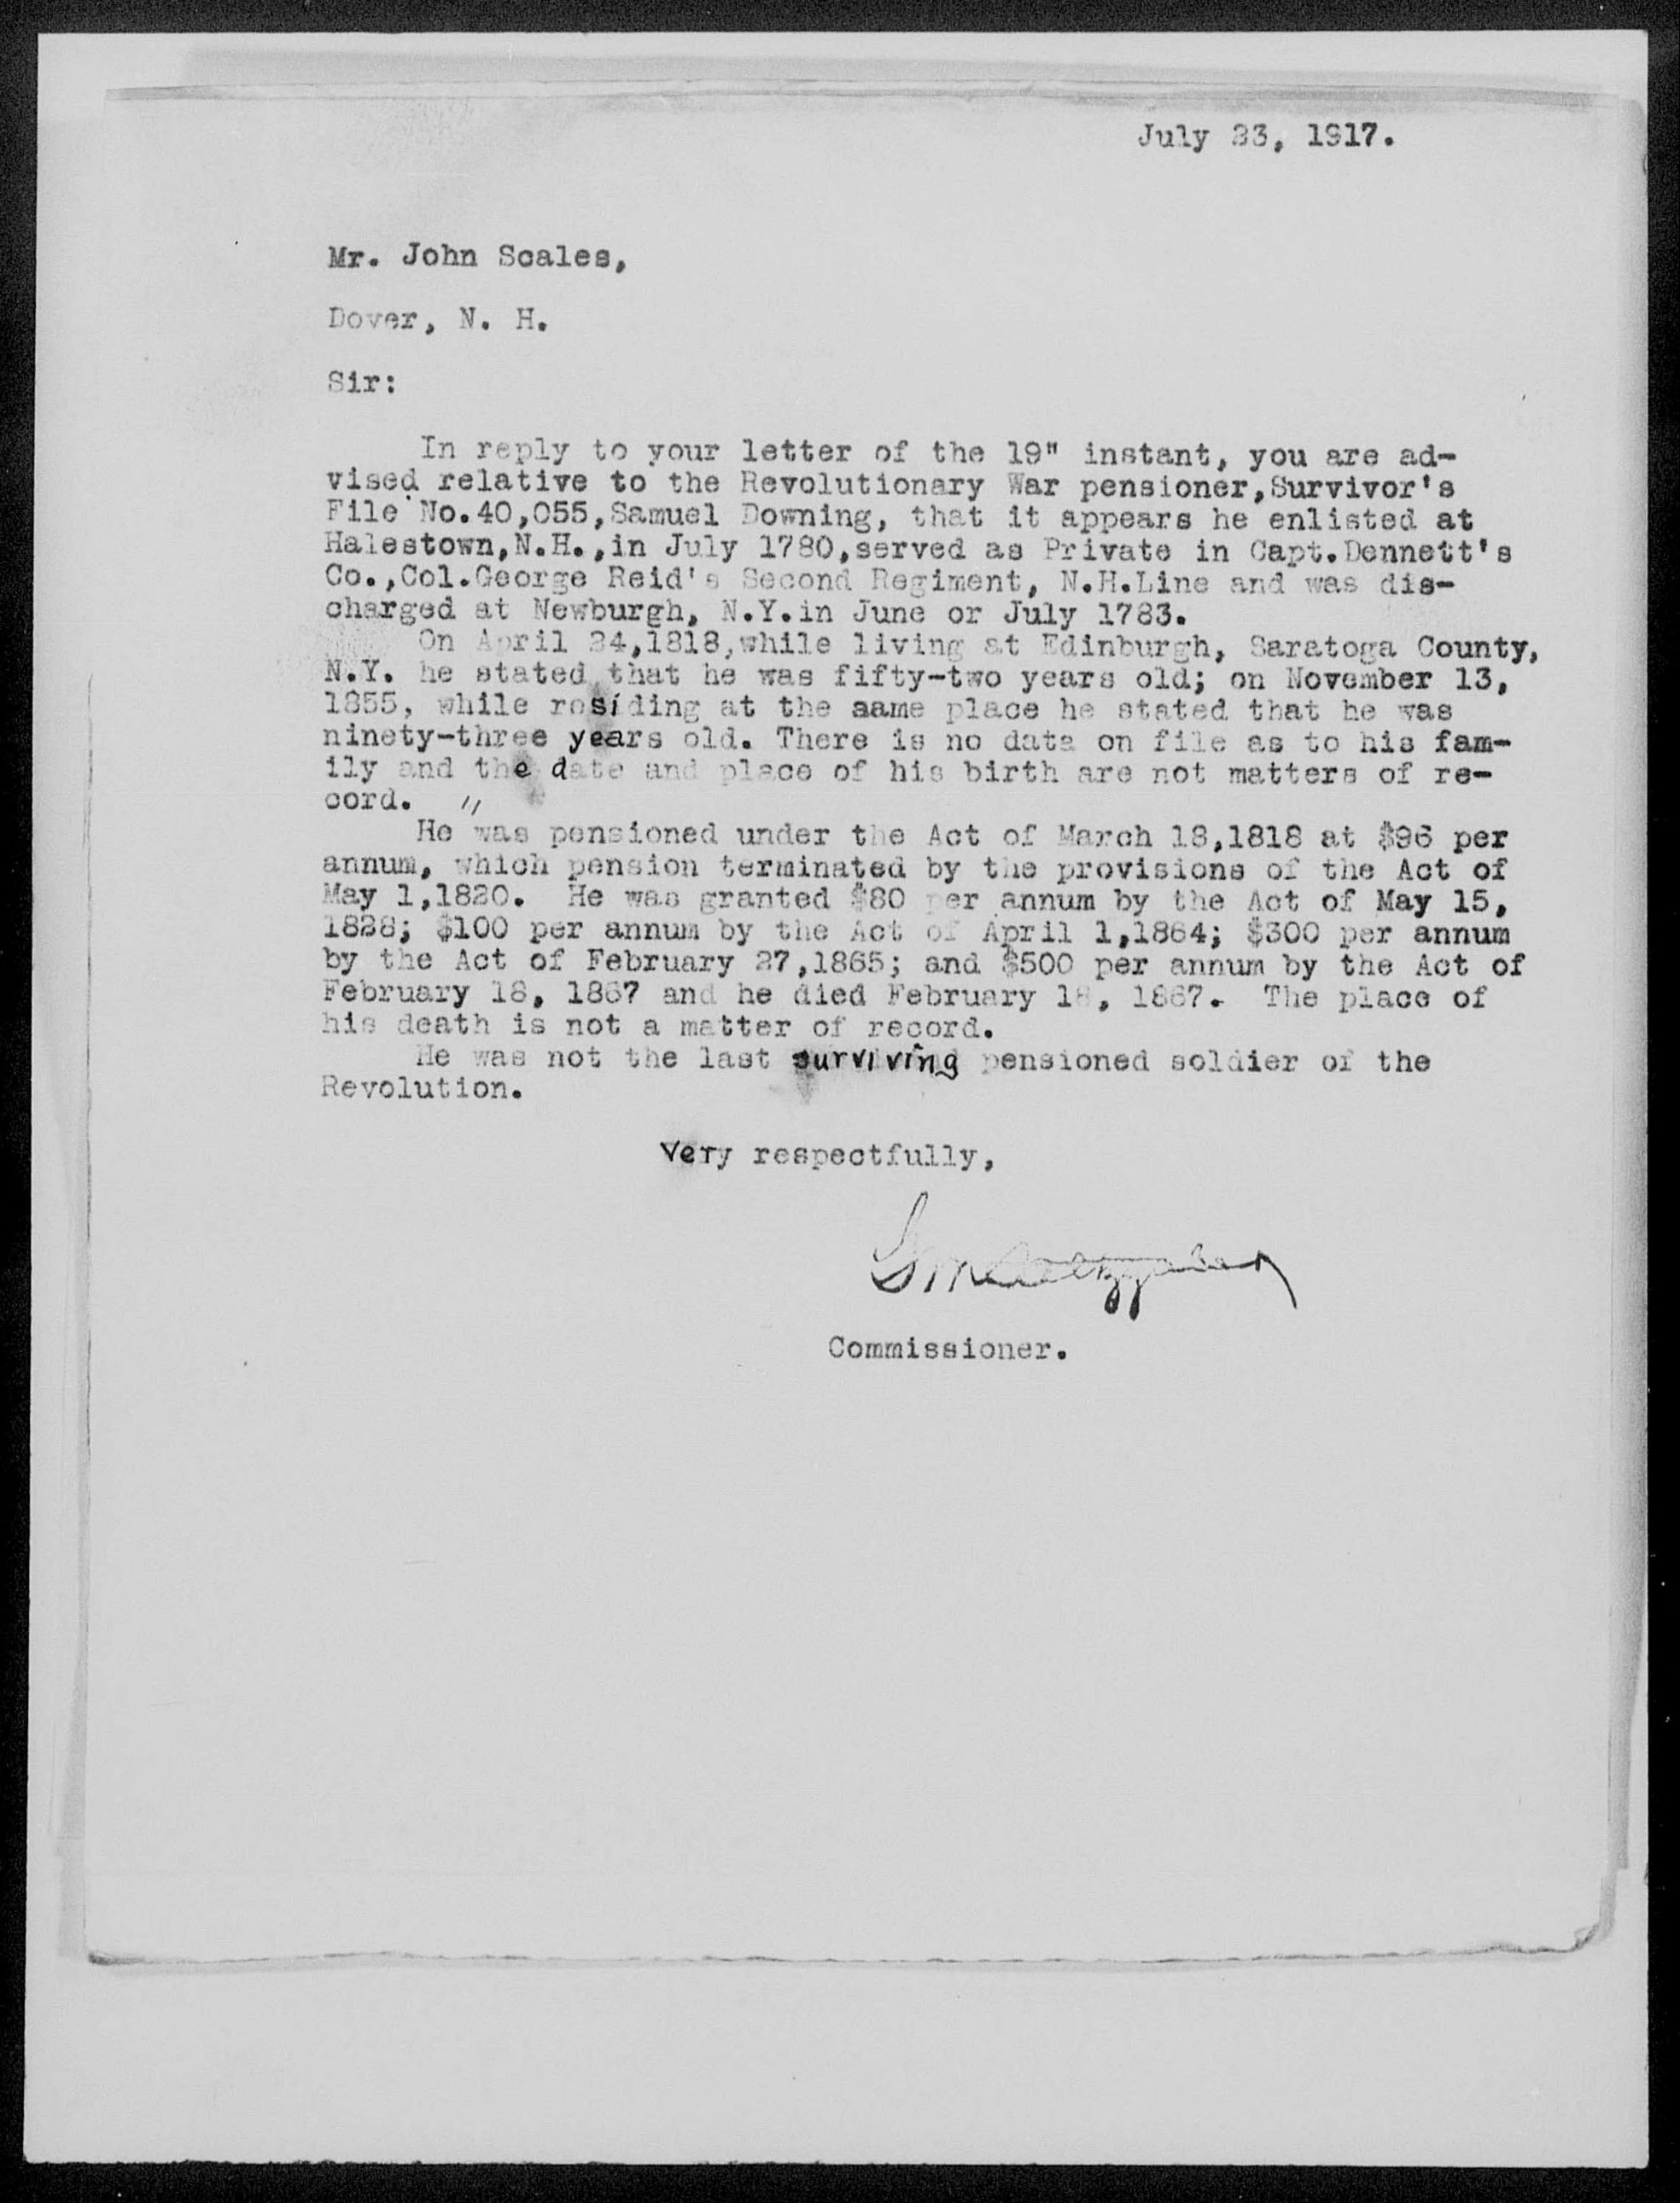July 23, 1917.
John Scales
Dover, N.H.
Sir:
In reply to your letter of the 19” instant, you are advised relative to the Revolutionary War pensioner, Survivor’s File No. 40,055, Samuel Downing, that it appears he enlisted at Halestown, N.H., in July 1780, served as a Private in Capt. Dennett’s Co., Col. George Reid’s Second Regiment, N.H.Line and was discharged at Newburgh, N.Y. in June or July 1783.
On April 24, 1818, while living in Edinburgh, Saratoga County, N.Y. he stated that he was fifty-two years old; on November 13, 1855, while residing at the same place he stated that he was ninety-three years old. There is no data on file as to his family and the date and place of his birth are not matters of record.
He was pensioned under the Act of March 18, 1818 at $96 per annum, which pension terminated by the provisions of the Act of May 1, 1820. He was granted $80 per annum by the Act of May 15,1828,; $100 per annum by the Act of April 1,1864; $300 per annum by the Act of February 27, 1865; and $500 per annum by the Act of February 18, 1867 and he died February 18,1867. The place of his death is not a matter of record.
He was not the last surviving pensioned soldier of the Revolution.
Very respectfully,
(illegible)
Commissioner.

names: Samuel Downing, John Scales, G M Saltzgaber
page: 21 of 56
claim: survivor's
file: S. 40,055, Samuel Downing, N.H.